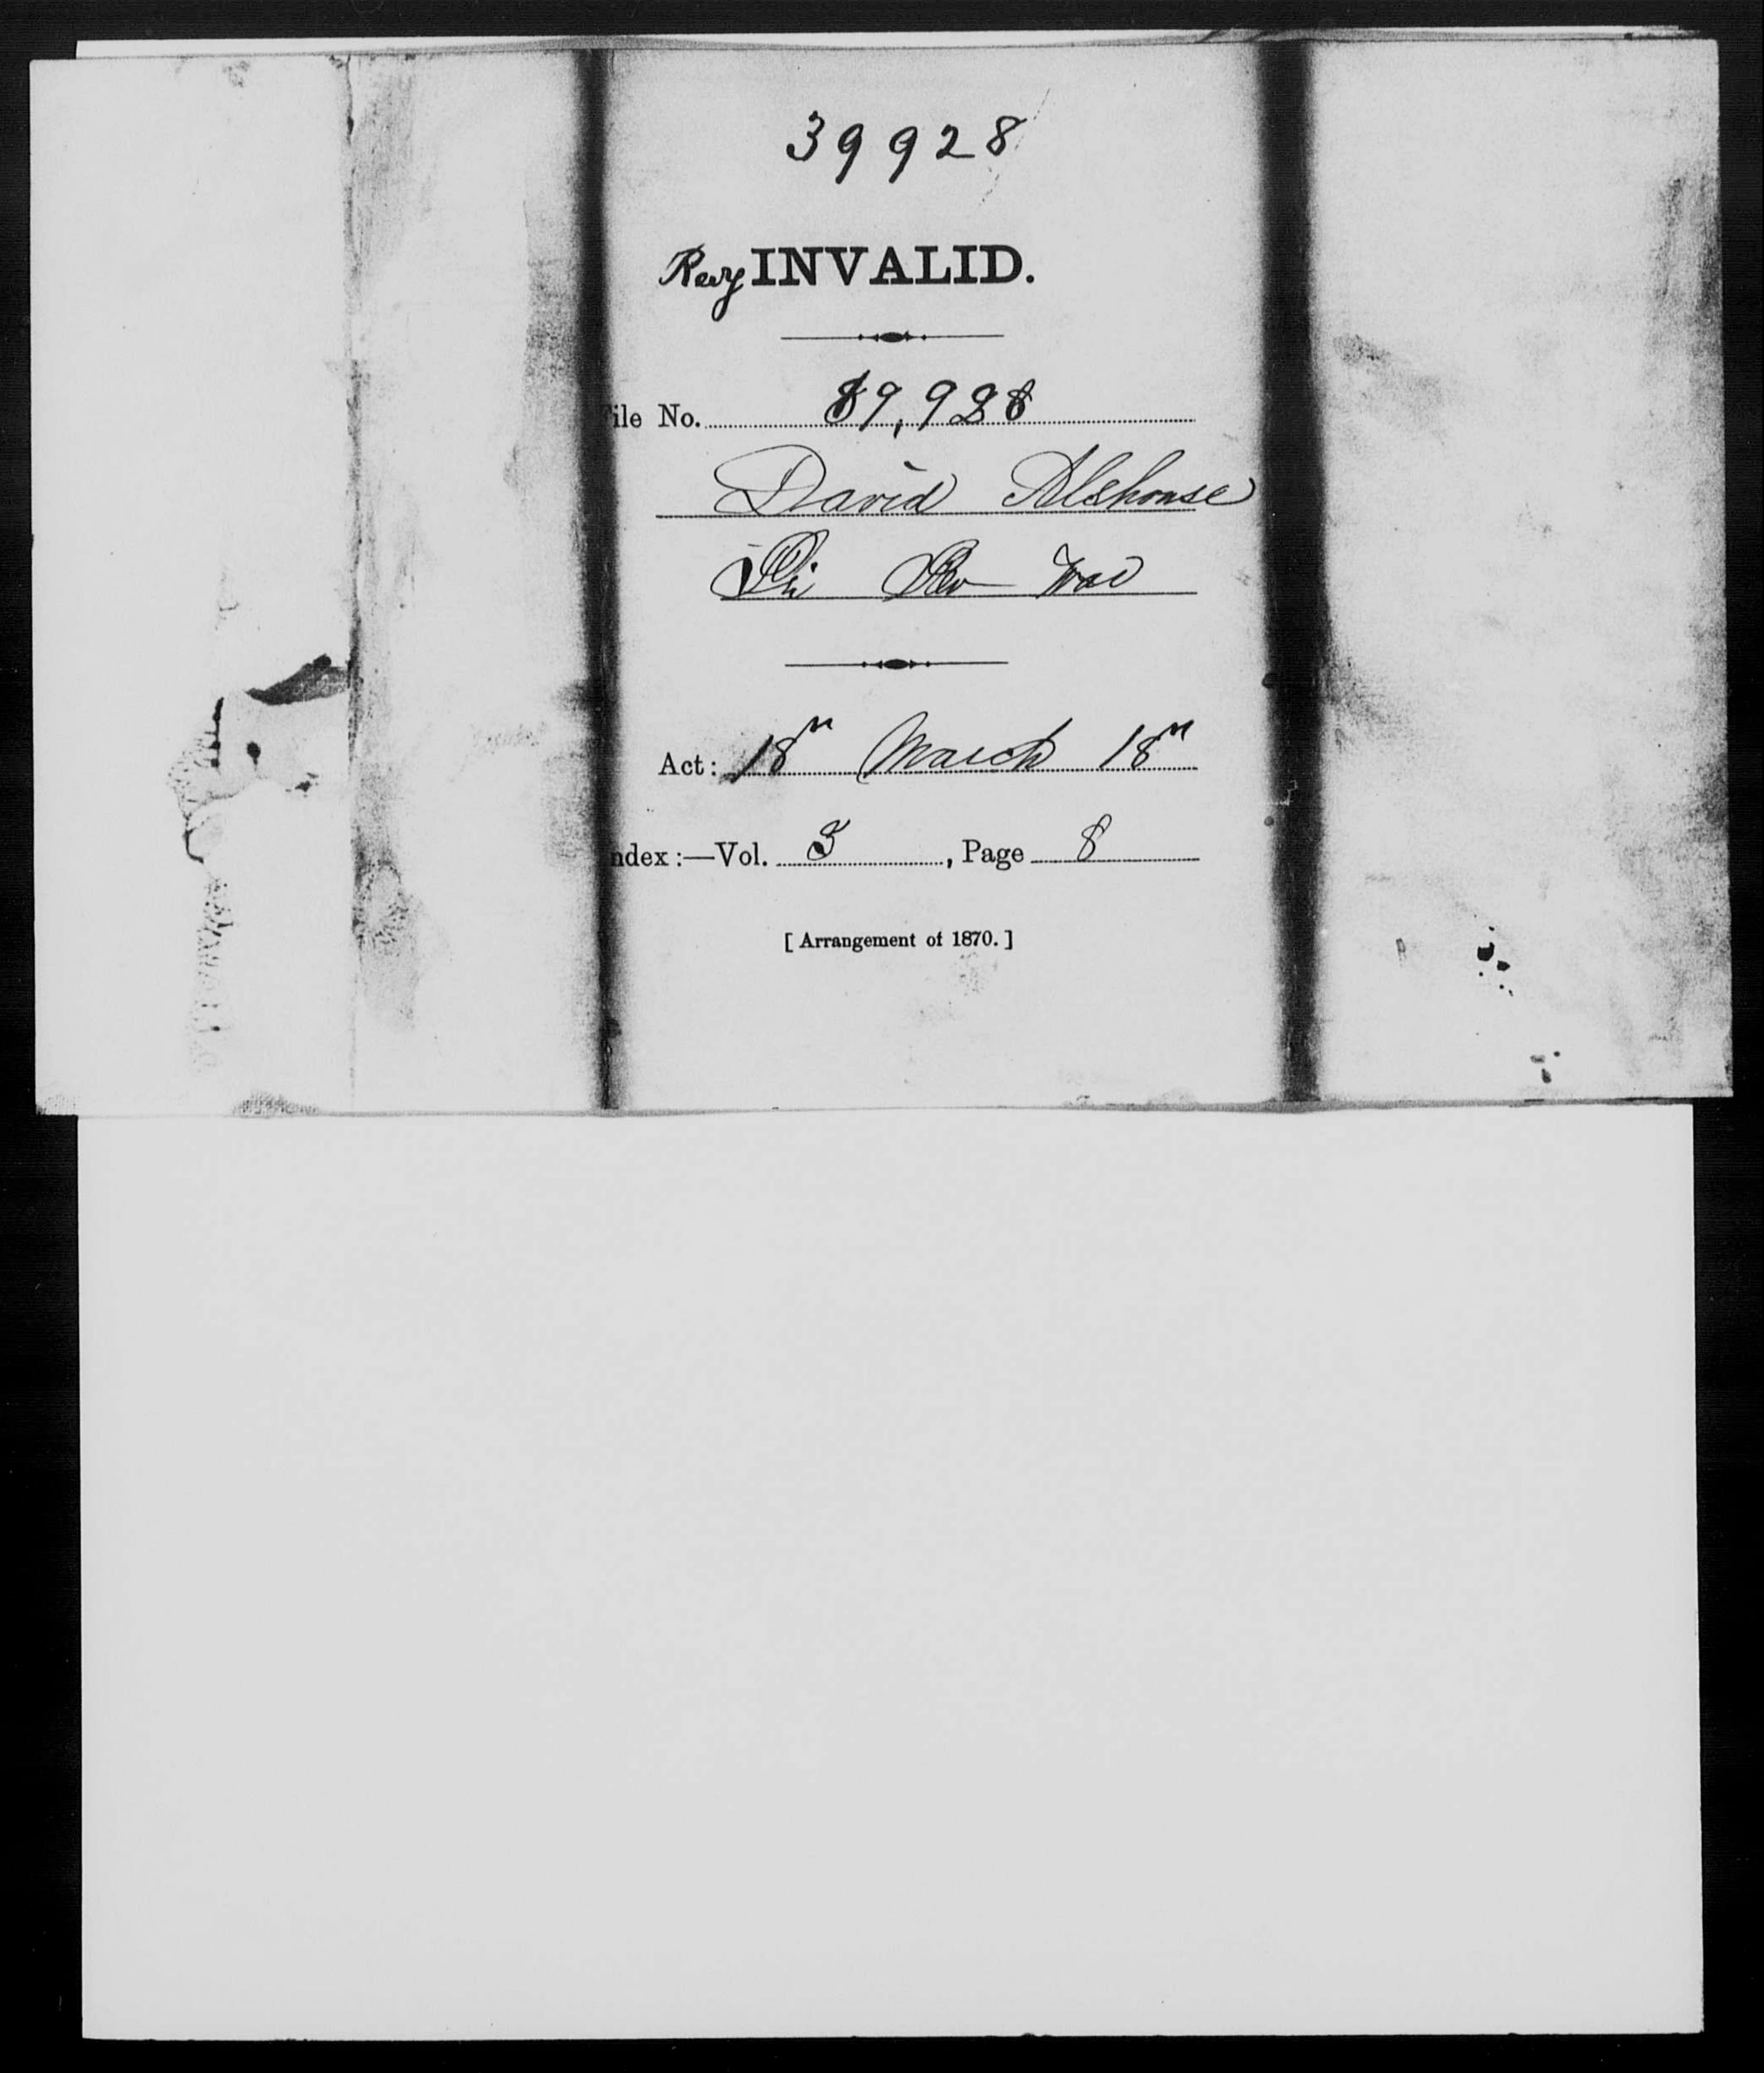39928
Revy
INVALID.
----------------
File No. 39,928
David Alshouse
Pri. Rev War
----------------
Act:  18th March 18"
Index:--Vol. 3, Page 8

[Arrangement of 1870]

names: David Alshouse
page: 13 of 17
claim: survivor's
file: S. 39928, David Alshouse, Penn.